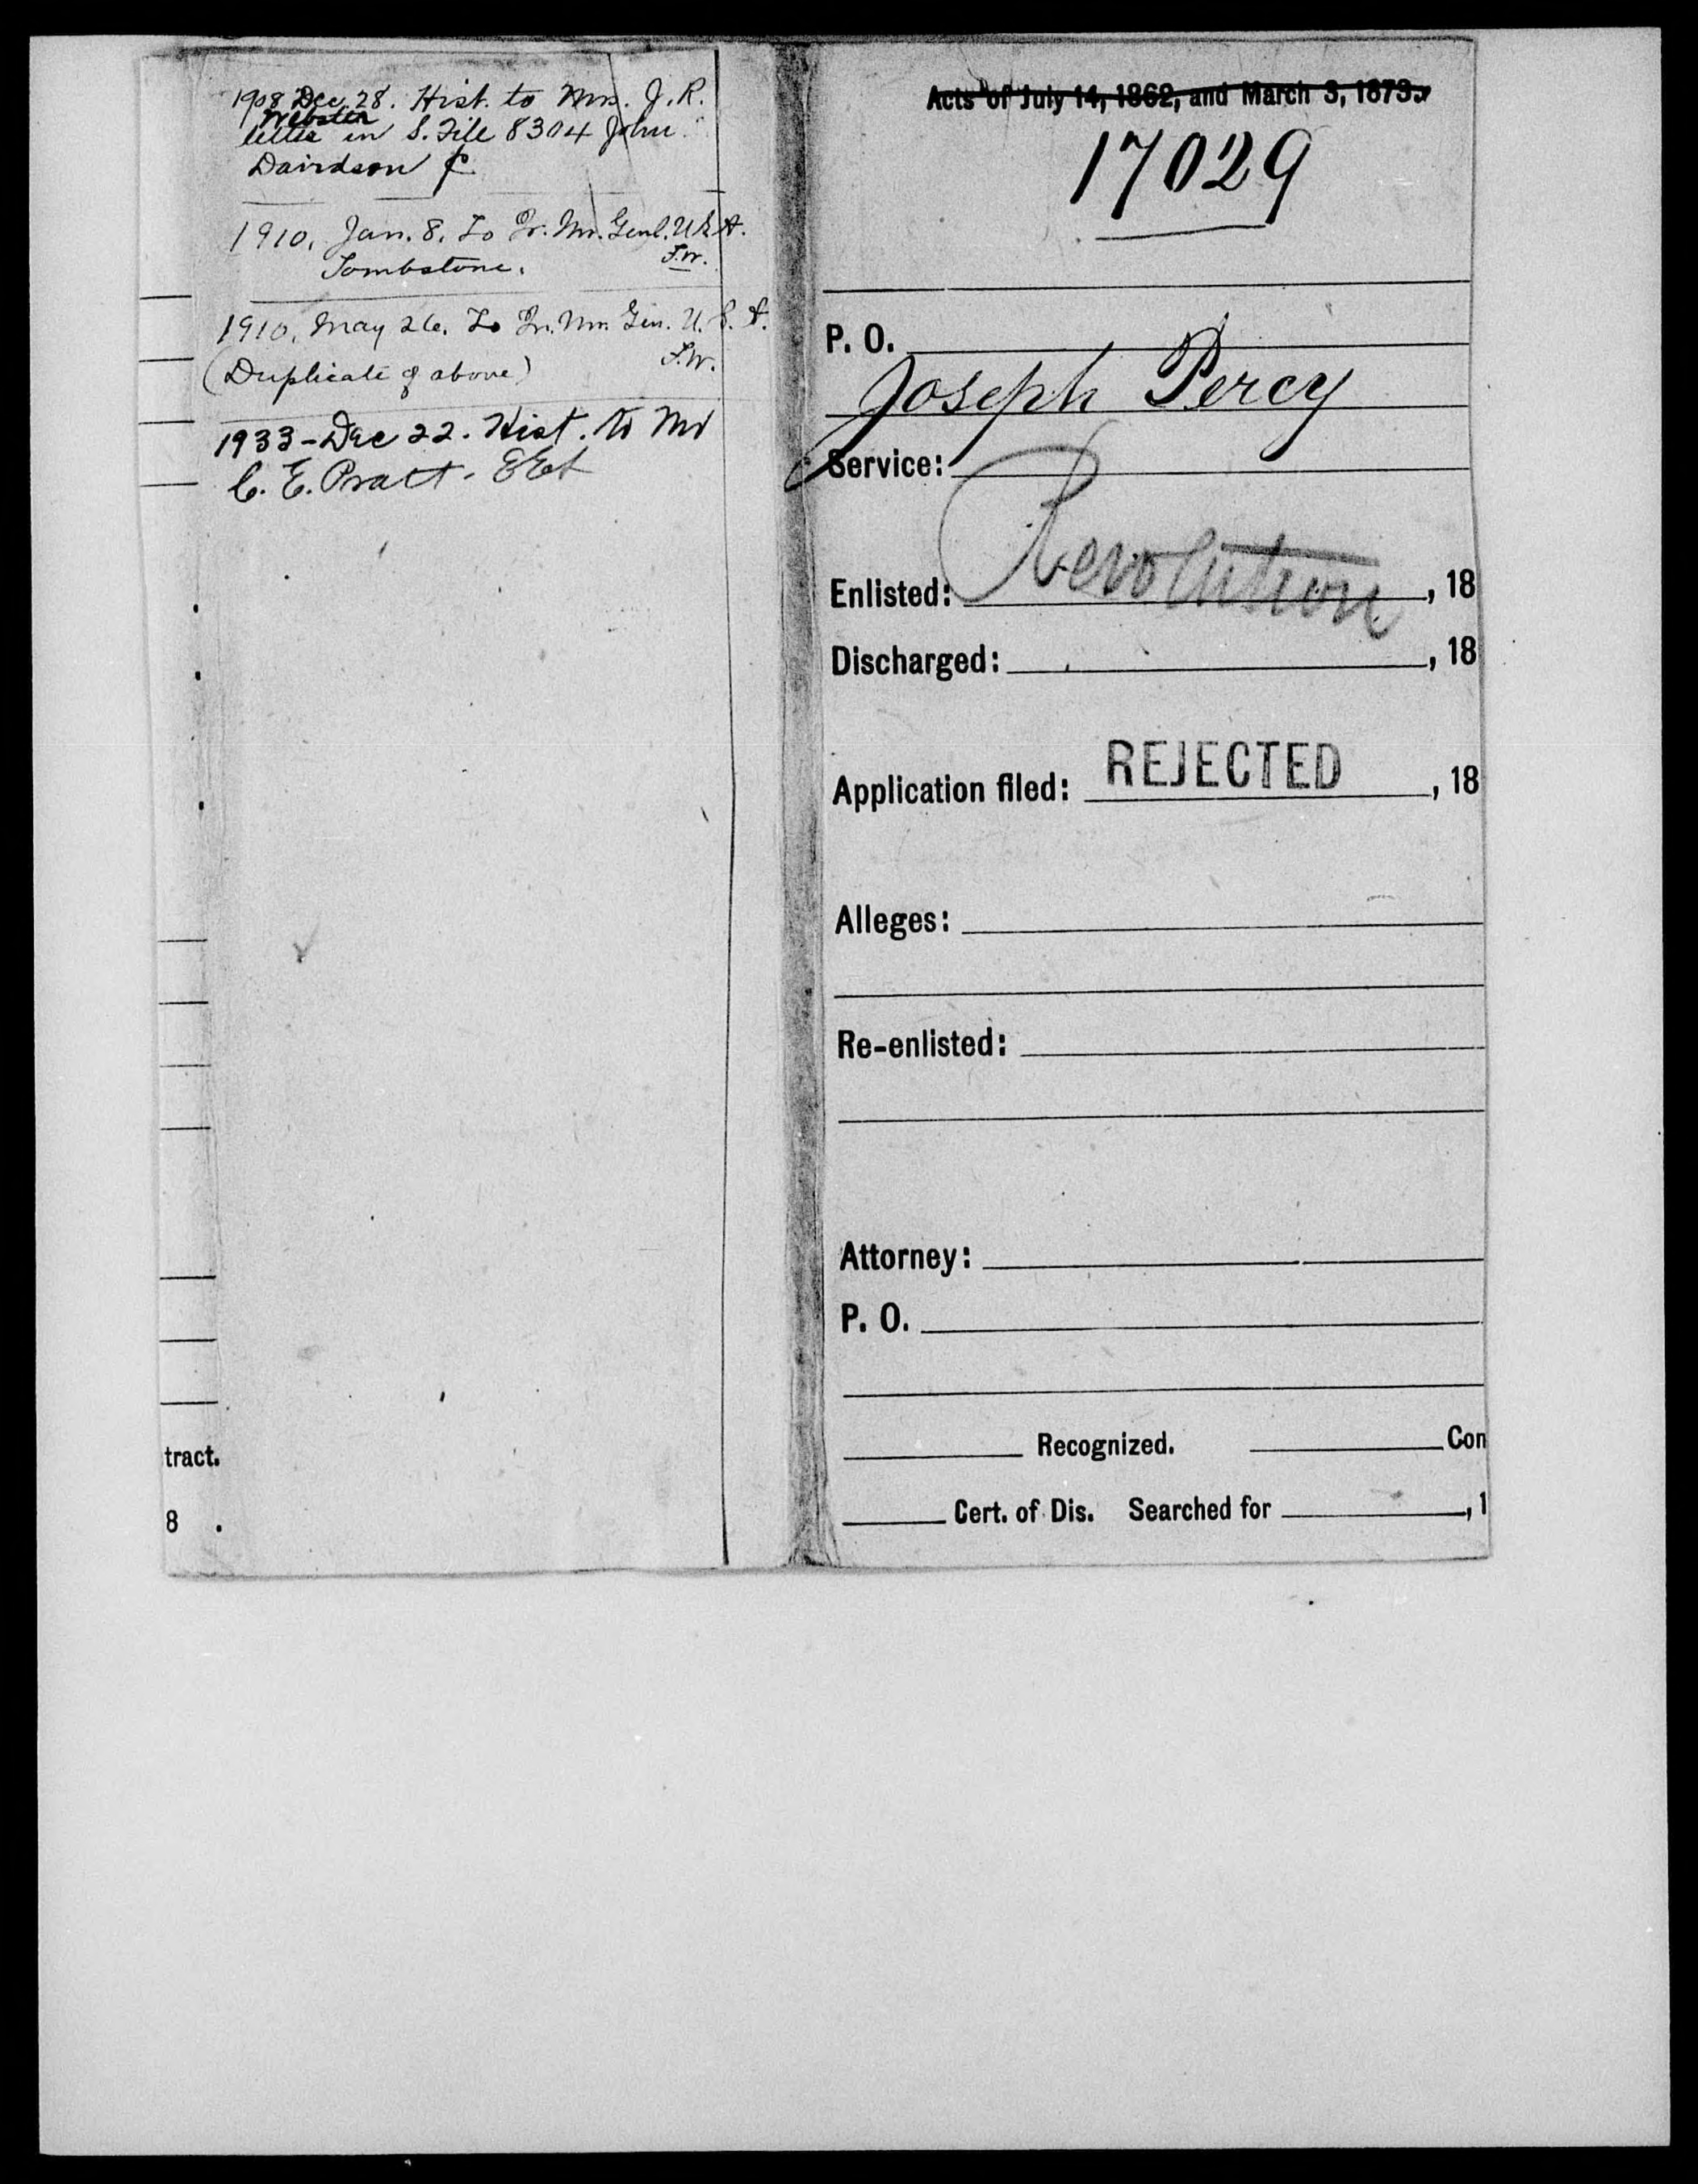1908 Dec 28.  Hist. to Mrs. J.R. Webster letter in S. file 8304 John Davidson C

1910, Jan. 8. To ?? Mr. Genl. U.S.A.
Tombstone.       F.W.

1910, May 226. To ?? Mr. Gen. U.S.A.
(Duplicate of above)  F.W.

1933 - Dec 22. Hist. to Mr. C.E. Pratt.  E ??

17029
P.O.   Joseph Percy
Service:
Enlisted: Revolution, 18
Discharged:              , 18
Application filed:  REJECTED , 18

Alleges:
Re-enlisted:

Attorney:
P.O.

      Recognized                Con
      Cert. of Dis.               Searched for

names: C E Pratt; Joseph Percy; J R Webster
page: 7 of 20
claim: rejected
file: R. 17029, for Joseph Percy, Connecticut